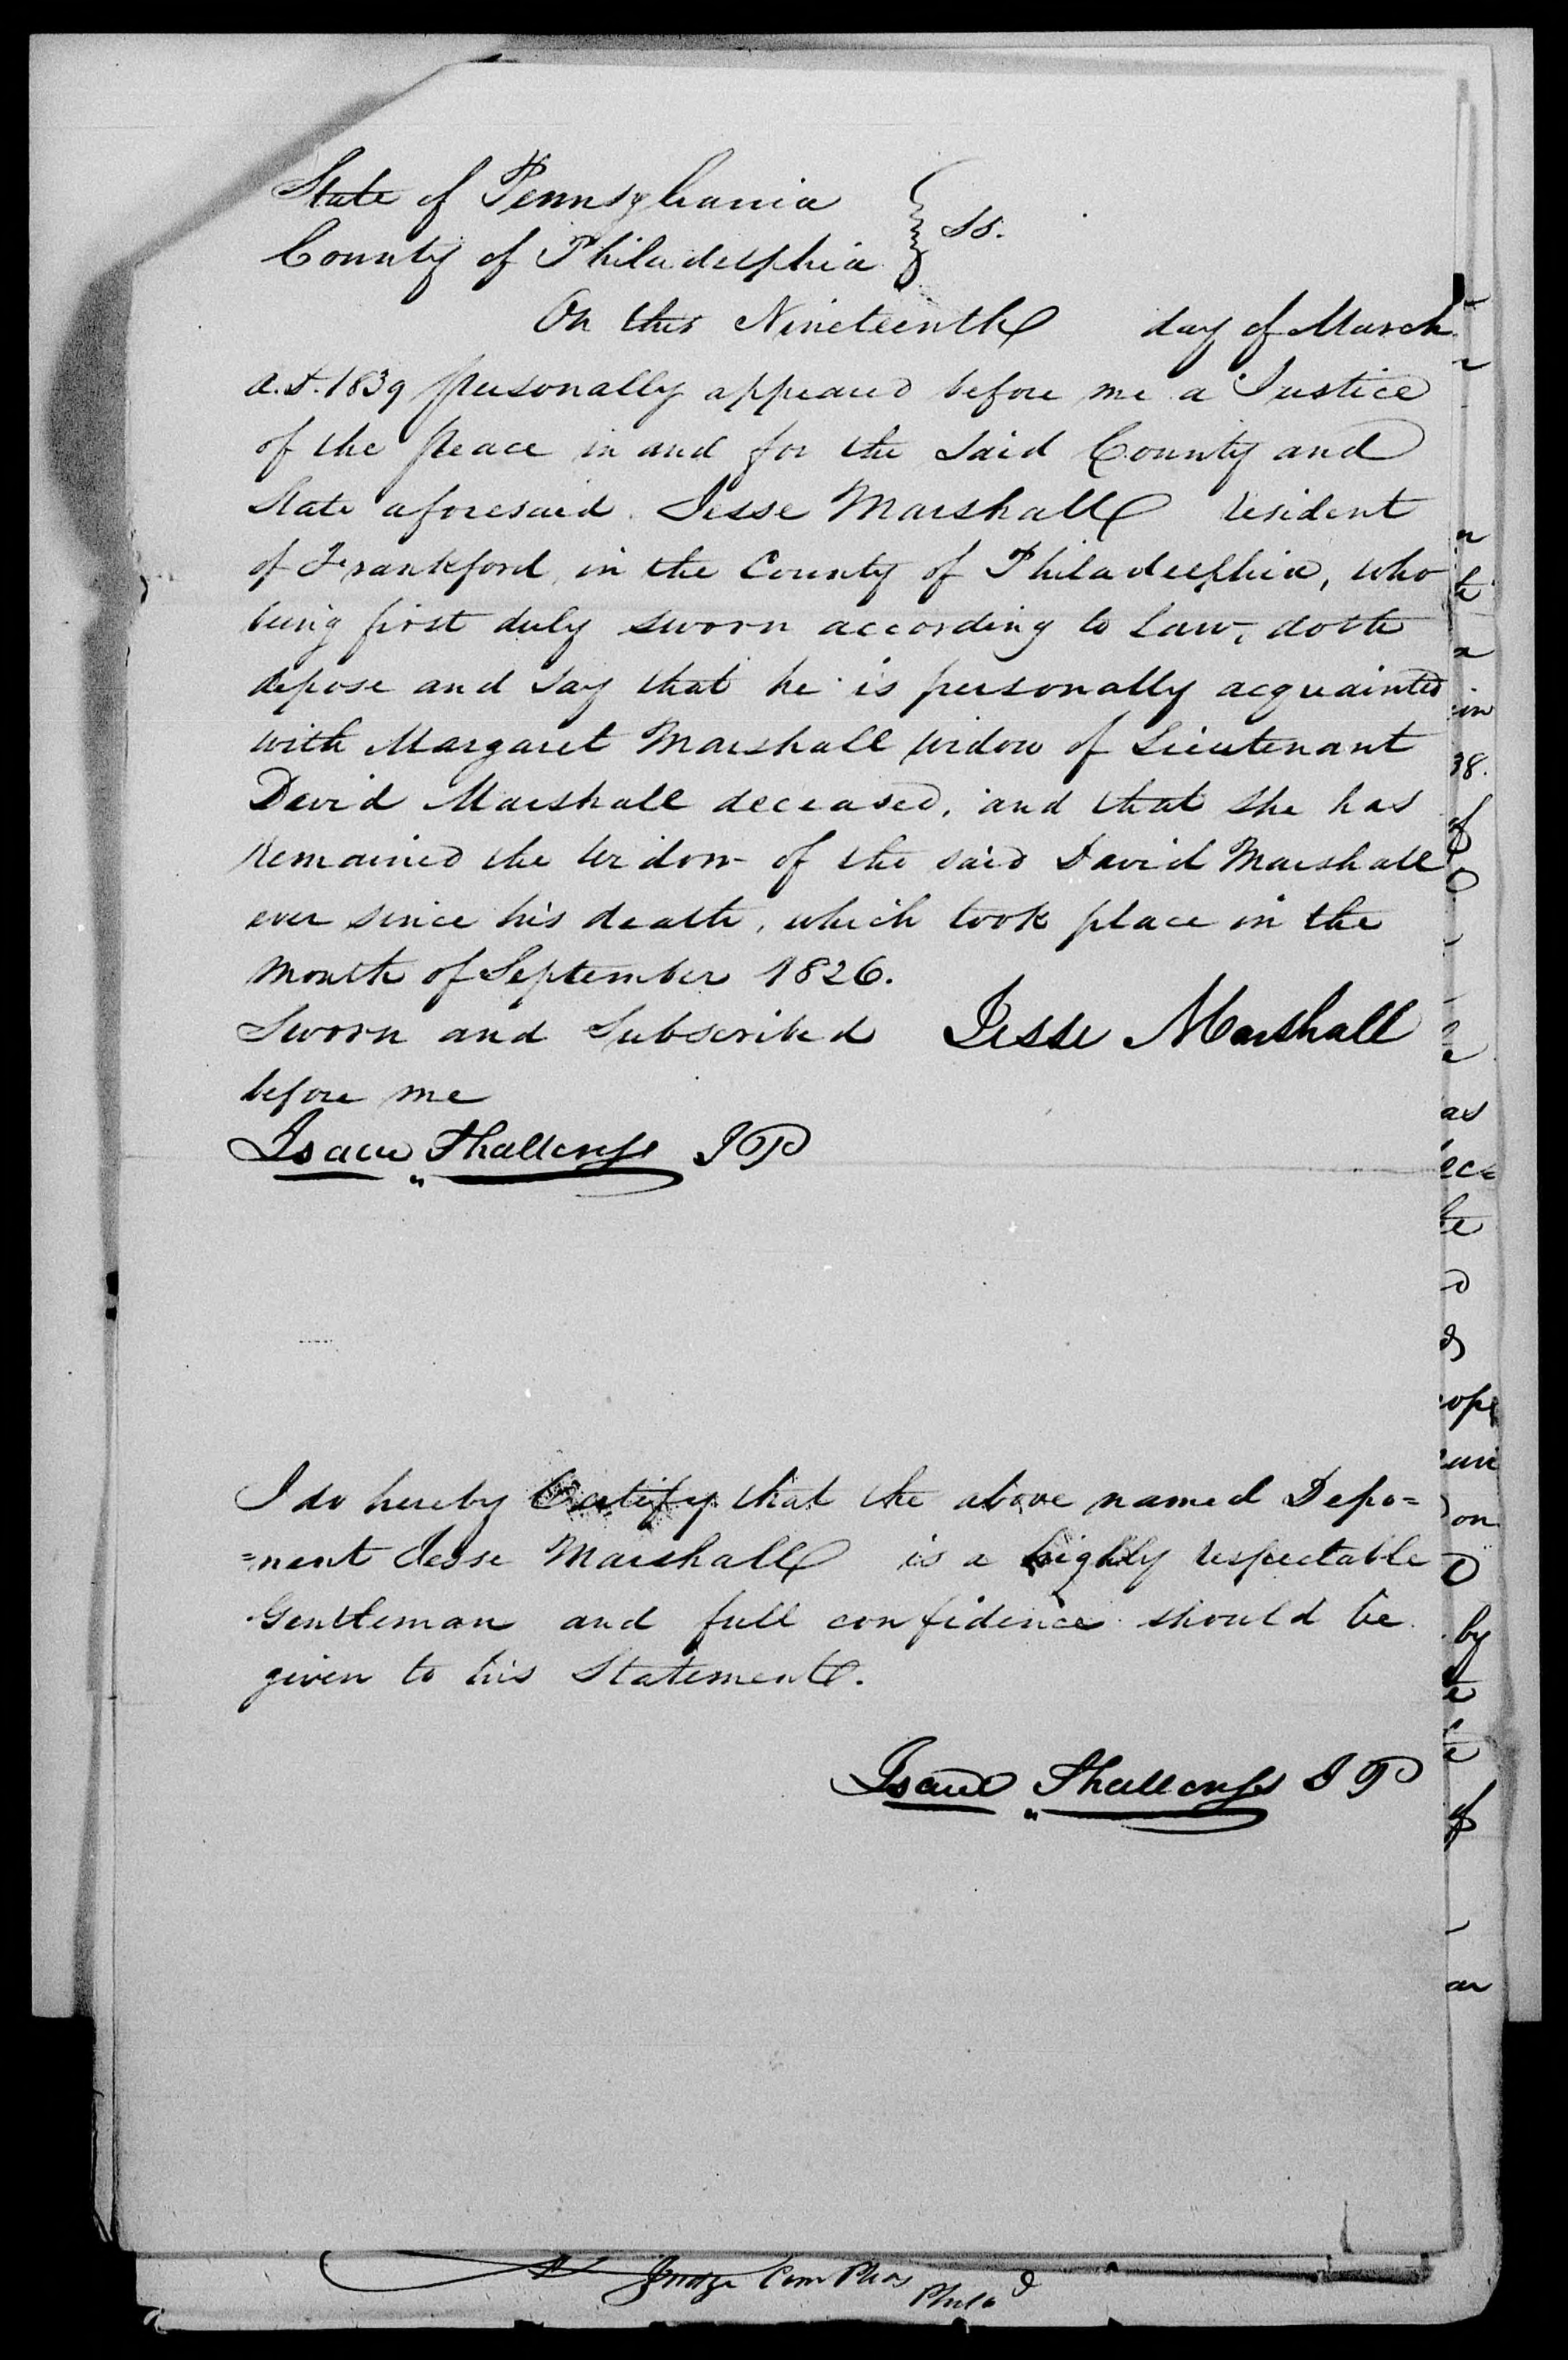State of Pennsylvania
County of Philadelphia

On the Nineteenth day of March A.D. 1839 personally appeared before me a Justice of the peace in and for the said County and State aforesaid.  Jesse Marshall resident of Frankford in the County of Philadelphia, who being first duly sworn according to law, doth depose and say that he is personally acquainted with Margaret Marshall widow of Lieutenant David Marshall deceased, and that she has remained the widow of the said David Marshall ever since his death which took place in the month of September 1826.

Jesse Marshall

Sworn and Subscribed before me
 Isaac Shallcross JP

I do hereby certify that the above named Deponent Jesse Marshall is a highly respectable Gentlemen and full confidence should be given to his Statement. 

Isaac Shallcross JP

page: 75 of 86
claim: widow's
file: W. 3571, for David Marshall, Pennsylvania